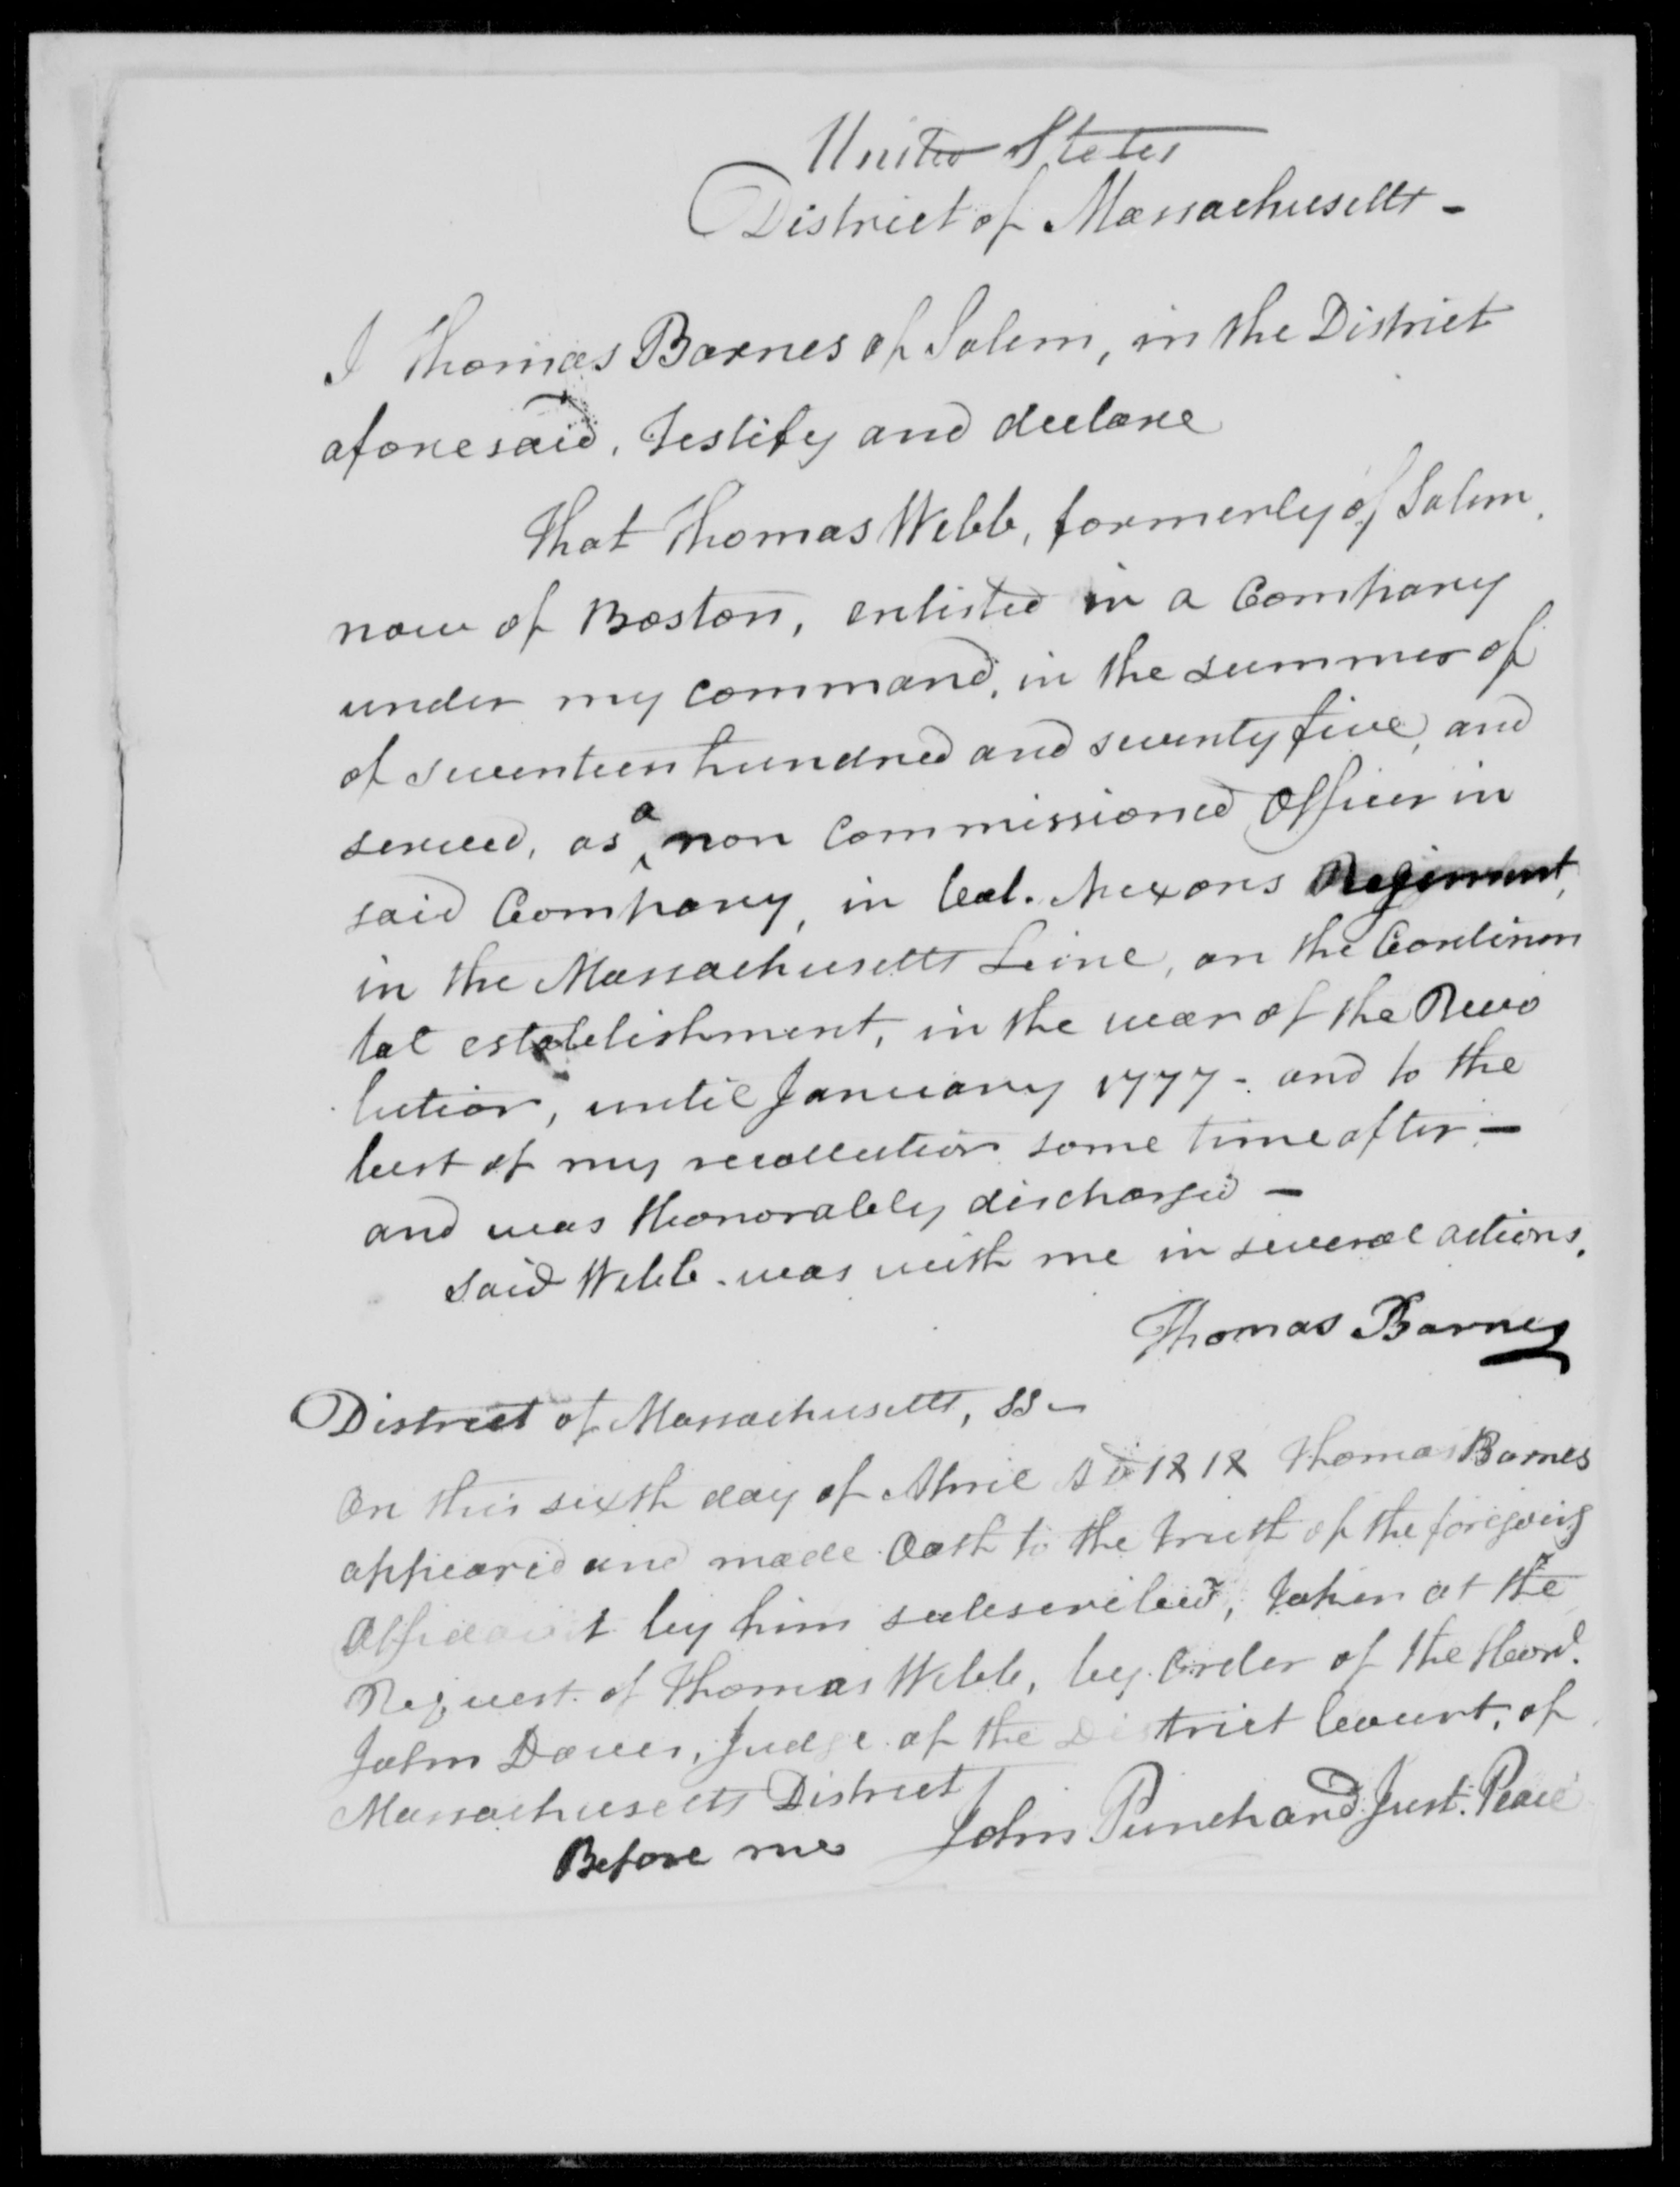United States
District of Massachusetts

I, Thomas Barnes of Salem, in the District aforesaid, Testify and declare
That Thomas Webb, formerly of Salem, now of Boston, enlisted in a Company under my command, in the summer of seventeen hundred and seventy five, and served, as a non commissioned Officer in said Company, in Col.. Nixons Regiment in the Massachusetts Line, on the Continental establishment, in the war of the Revolution, until January 1777 - and to the best of my recollection some time after - and was honorably discharged -
Said Webb was with me in several actions.
Thomas Barnes

District of Massachusetts, SS -
On this sixth day of April 1818 Thomas Barnes appeared and made Oath to the truth of the foregoing Affidavit by him subscribed, taken at the Request of Thomas Webb, by Order of the Honl [Honorable] John Davis, Judge of the District Court of Massachusetts District

Before me John Punchard Just. Peace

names: John Panchard, Thomas Barnes, Nixons, John Davis, Thomas Webb, Webb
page: 10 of 14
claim: survivor's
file: S. 33888, Thomas Webb, Mass.